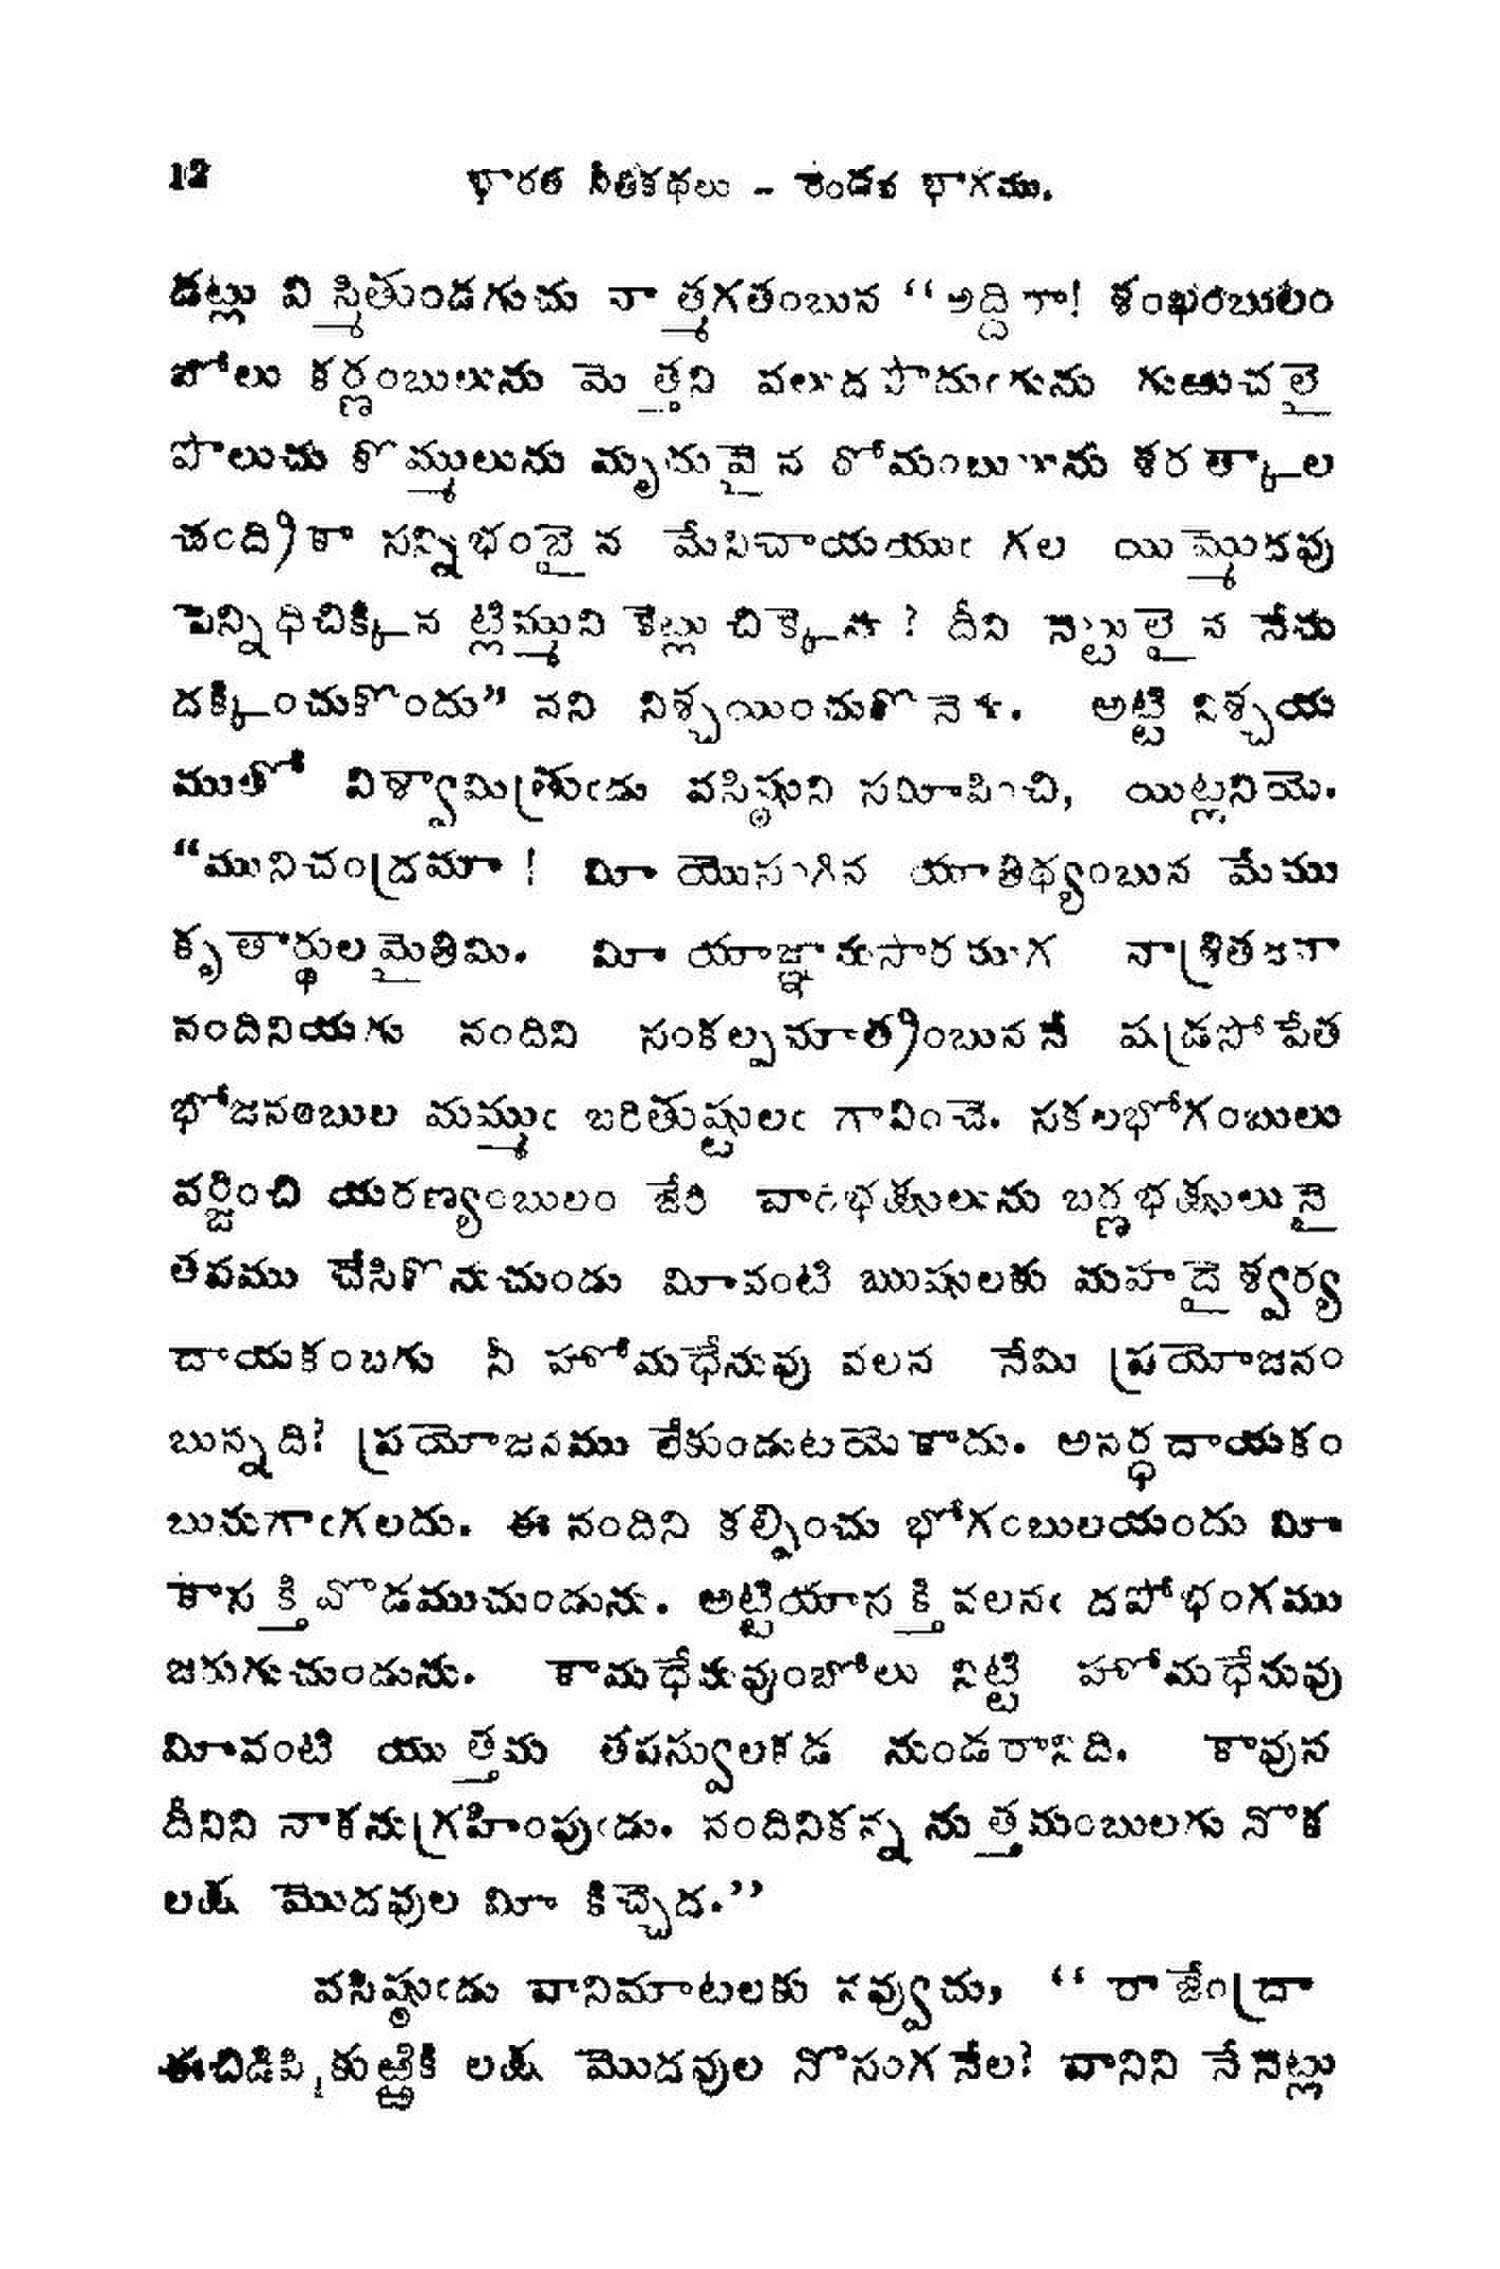డట్లు విస్మితుండగుచు నాత్మగతంబున అద్దిరా! శంఖంబులం బోలు కర్ణంబులును మెత్తని వలుద పొదుఁగును గుఱుచలై పొలుచు కొమ్ములును మృదువైన రోమంబులును శరత్కాల చంద్రికా సన్నిభంబైన మేనిచాయయుఁ గల యిమ్మొదవు పెన్నిధిచిక్కిన ట్లిమ్ముని కెట్లు చిక్కెను? దీని నెట్టులైన నేను దక్కించుకొందు" నని నిశ్చయించుకొనెను. అట్టి నిశ్చయముతో విశ్వామిత్రుఁడు వసిష్ఠుని సమీపించి, యిట్లనియె. “మునిచంద్రమా ! మీ యొసగిన యాతిథ్యంబున మేము కృతార్థులమైతిమి. మీ యాజ్ఞనుసారముగ నాశ్రితజనా నందినియగు నందిని సంకల్పమాత్రంబు ననే షడ్రసోపేత భోజనంబుల మమ్ముఁ బరితుష్టులఁ గావించె. సకలభోగంబులు వర్జించి యరణ్యంబులం జేరి వారిభక్షులును బర్ణభక్షులునై తవము చేసికొనుచుండు మీవంటి ఋషులకు మహదైశ్వర్య దాయకంబగు నీ హోమధేనువు వలన నేమి ప్రయోజనం బున్నది? ప్రయోజనము లేకుండుటయే కాదు. అనర్థదాయకంబునుగాఁగలదు. ఈ నందిని కల్పించు భోగంబులయందు మీ కాసక్తి వొడముచుండును. అట్టియాసక్తి వలనఁ దపోభంగము జరుగుచుండును. కామధేనువుంబోలు నిట్టి హోమధేనువు మీవంటి యుత్తమ తపస్వులకడ నుండరానిది. కావున దీనిని నాకనుగ్రహింపుఁడు. నందినికన్న నుత్తమంబులగు నొకలక్ష మొదవుల మీ కిచ్చెద.”

వసిష్ఠుఁడు వానిమాటలకు నవ్వుచు, "రాజేంద్రా ఈచిడిపి కుఱ్ఱకి లక్ష మొదవుల నొసంగనేల? వానిని నేనెట్లు